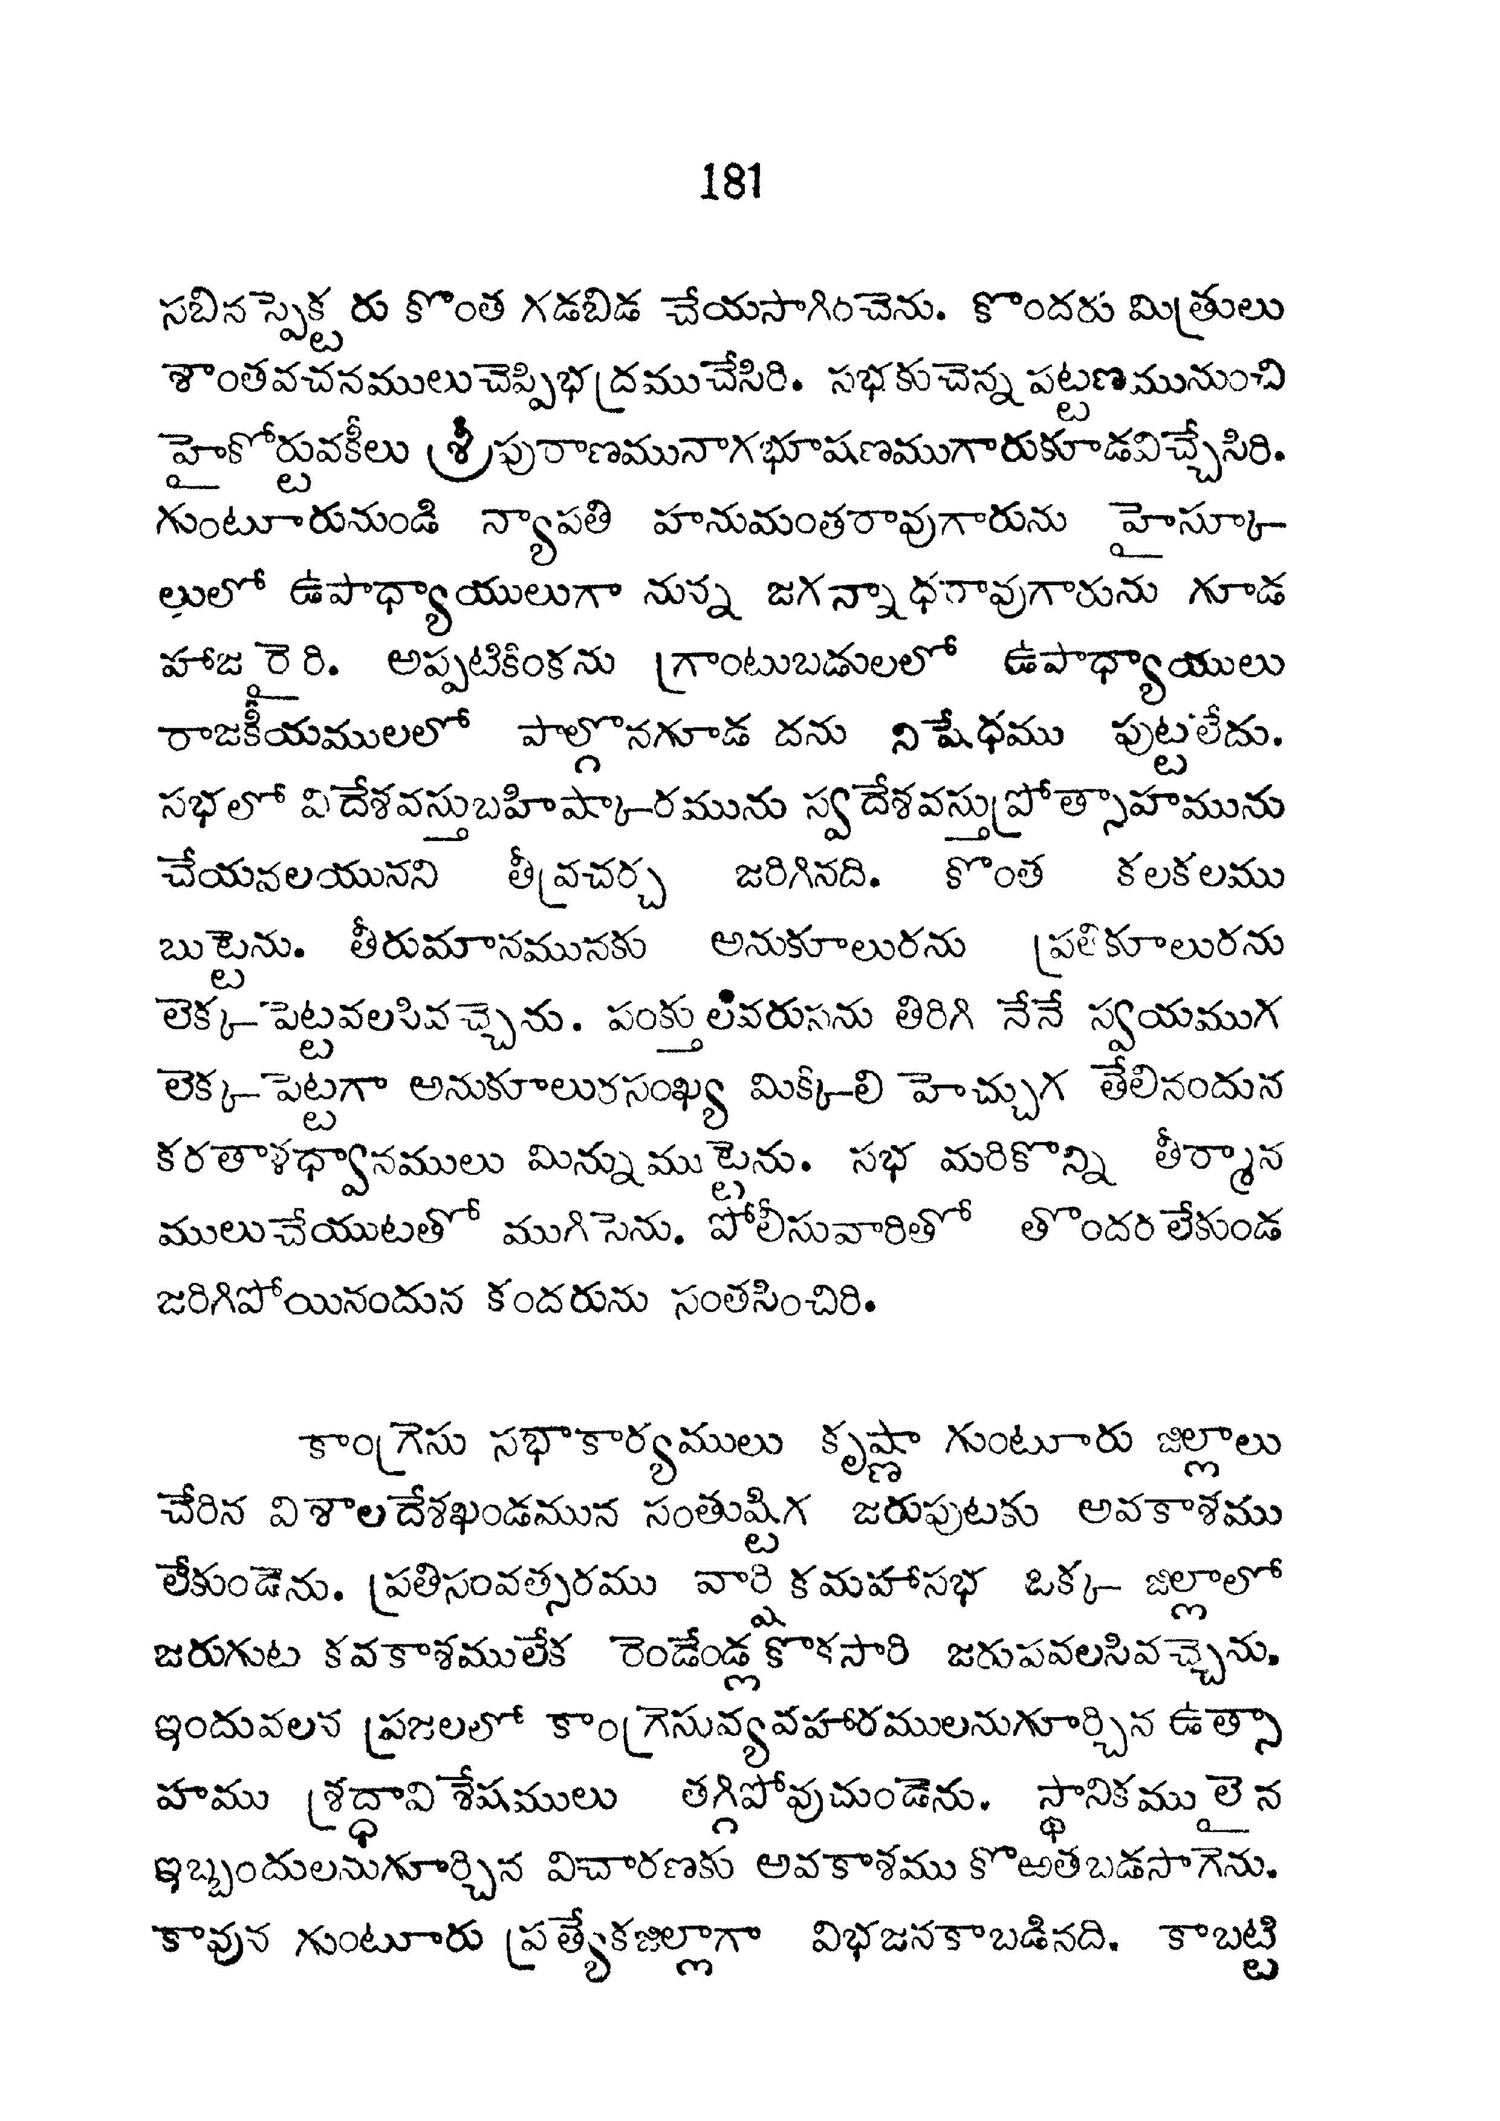సబినస్పెక్టరు కొంత గడబిడ చేయసాగించెను. కొందరు మిత్రులు శాంతవచనములుచెప్పిభద్రముచేసిరి. సభకుచెన్నపట్టణమునుంచి హైకోర్టువకీలు శ్రీపురాణమునాగభూషణముగారుకూడవిచ్చేసిరి. గుంటూరునుండి న్యాపతి హనుమంతరావుగారును హైస్కూలులో ఉపాధ్యాయులుగా నున్న జగన్నాధరావుగారును గూడ హాజరైరి. అప్పటికింకను గ్రాంటుబడులలో ఉపాధ్యాయులు రాజకీయములలో పాల్గొనగూడదను నిషేధము పుట్టలేదు. సభలో విదేశవస్తుబహిష్కారమును స్వదేశవస్తుప్రోత్సాహమును చేయవలయునని తీవ్రచర్చ జరిగినది. కొంత కలకలము బుట్టెను. తీరుమానమునకు అనుకూలురను ప్రతికూలురను లెక్కపెట్టవలసివచ్చెను. పంక్తులవరుసను తిరిగి నేనే స్వయముగ లెక్కపెట్టగా అనుకూలురసంఖ్య మిక్కిలి హెచ్చుగ తేలినందున కరతాళధ్వానములు మిన్నుముట్టెను. సభ మరికొన్ని తీర్మానములుచేయుటతో ముగుసెను. పోలీసువారితో తొందరలేకుండ జరిగిపోయినందున కందరును సంతసించిరి.

కాంగ్రెసు సభాకార్యములు కృష్ణా గుంటూరు జిల్లాలు చేరిన విశాలదేశఖండమున సంతుష్ఠిగ జరుపుటకు అవకాశము లేకుండెను. ప్రతిసంవత్సరము వార్షికమహాసభ ఒక్క జిల్లాలో జరుగుట కవకాశములేక రెండేండ్లకొకసారి జరుపవలసివచ్చెను. ఇందువలన ప్రజలలో కాంగ్రెసువ్యవహారములనుగూర్చిన ఉత్సాహము శ్రద్ధావిశేషములు తగ్గిపోవుచుండెను. స్థానికములైన ఇబ్బందులనుగూర్చిన విచారణకు అవకాశము కొఱతబడసాగెను. కావున గుంటూరు ప్రత్యేకజిల్లాగా విభజనకాబడినది. కాబట్టి